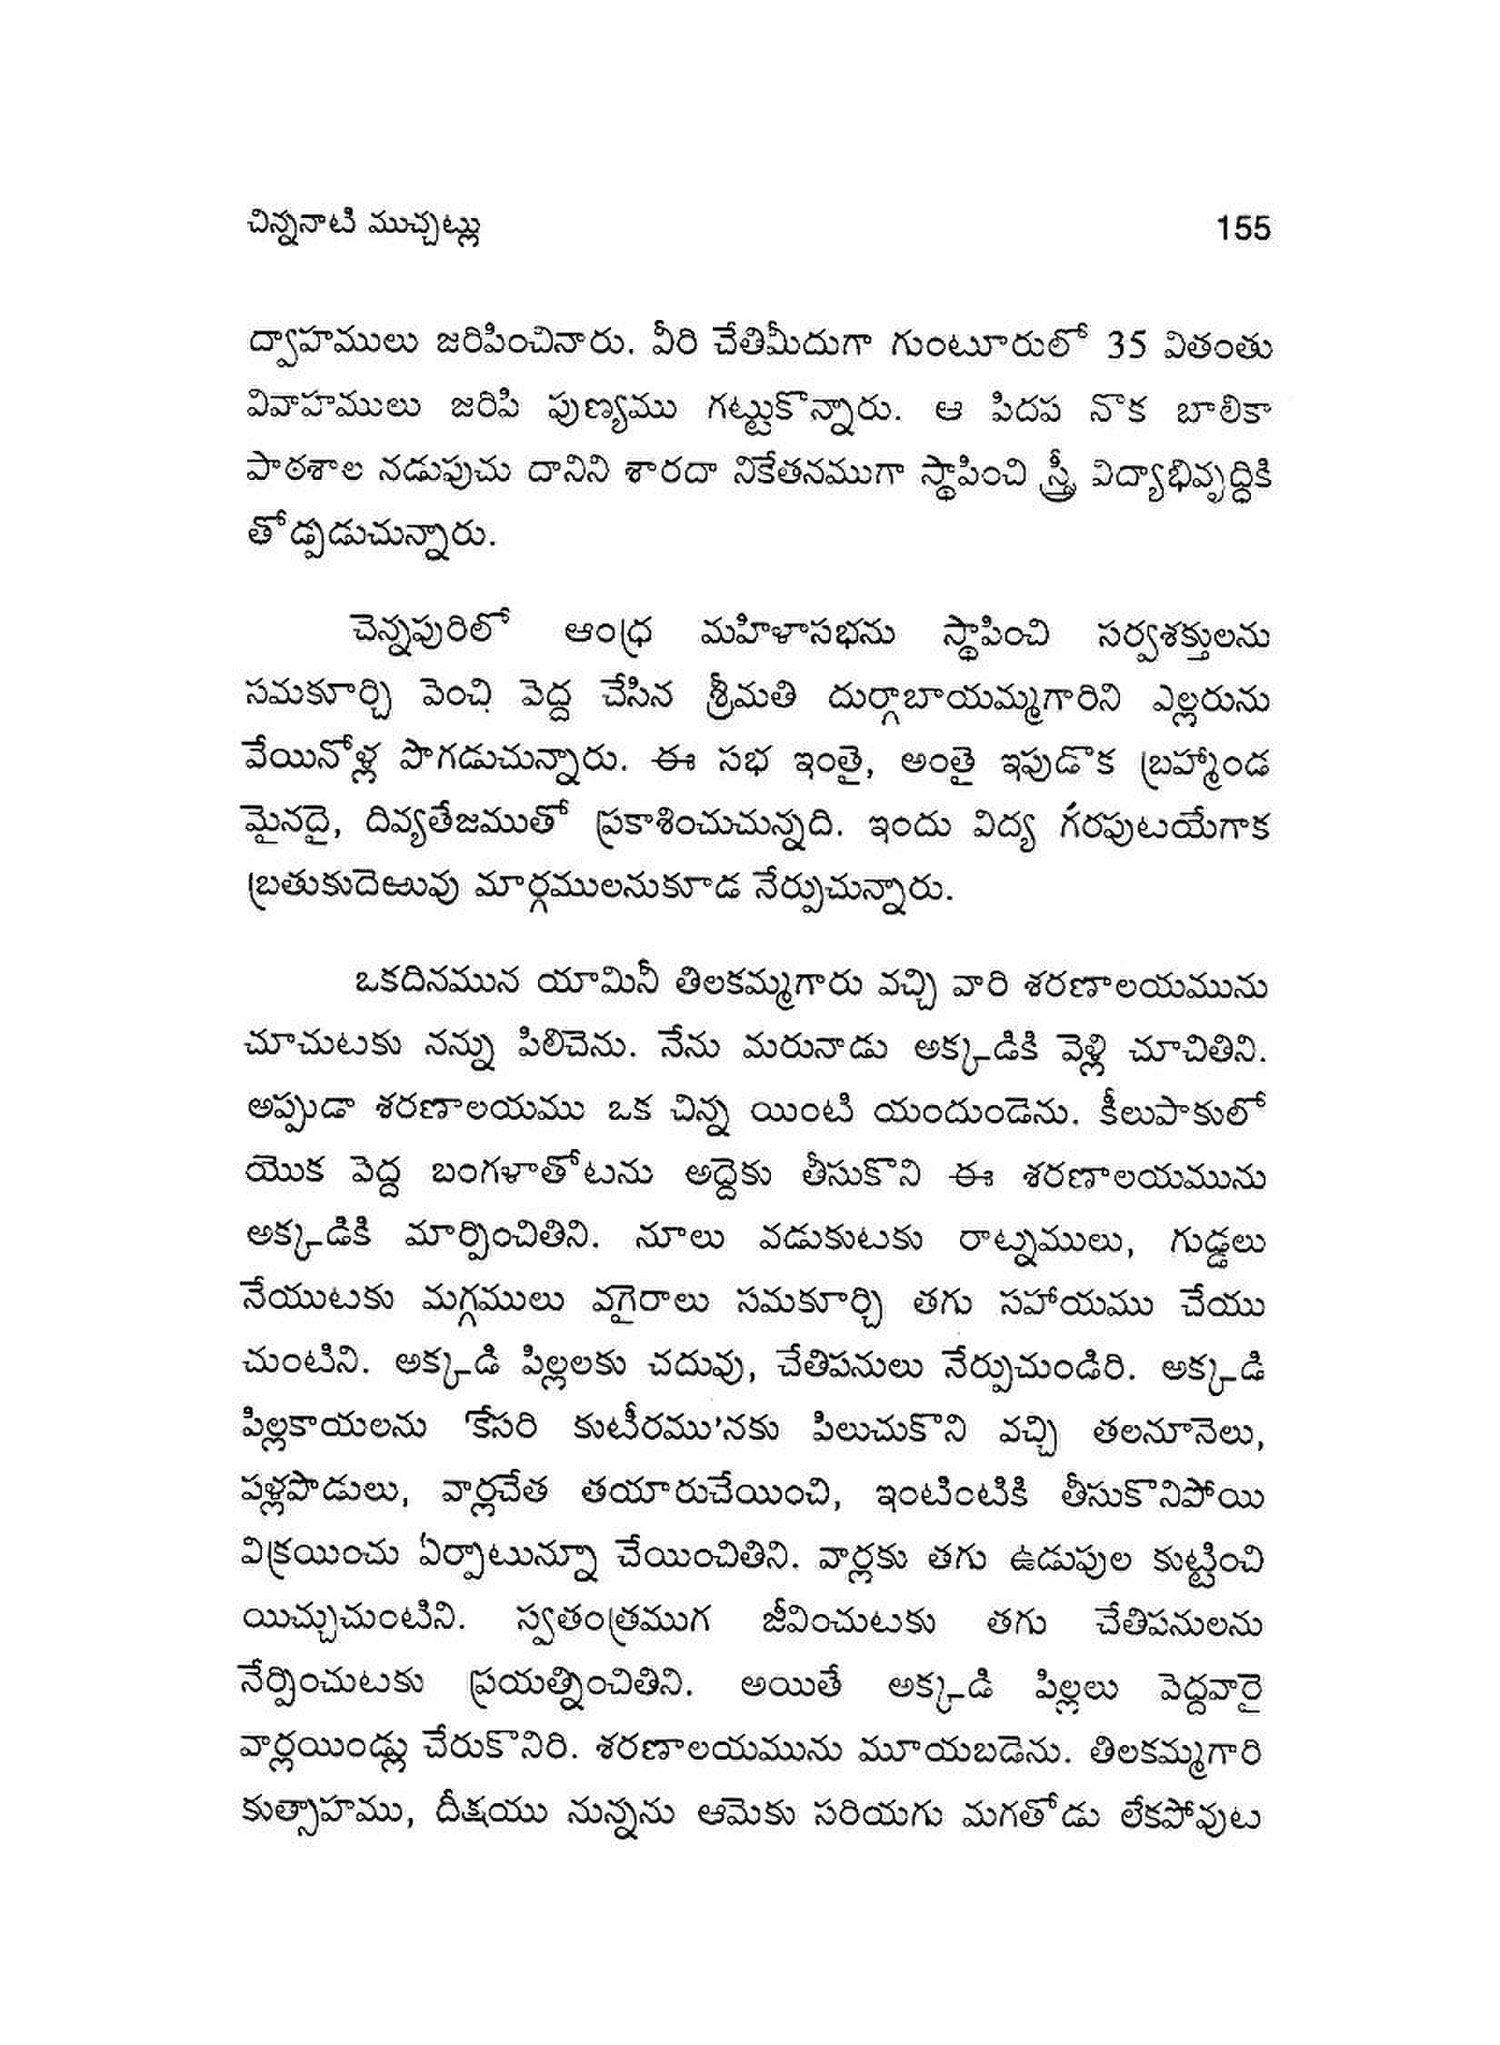ద్వాహములు జరిపించినారు. వీరి చేతిమీదుగా గుంటూరులో 35 వితంతు వివాహములు జరిపి పుణ్యము గట్టుకొన్నారు. ఆ పిదప నొక బాలికా పాఠశాల నడుపుచు దానిని శారదా నికేతనముగా స్థాపించి స్త్రీ విద్యాభివృద్ధికి తోడ్పడుచున్నారు.

చెన్నపురిలో ఆంధ్ర మహిళాసభను స్థాపించి సర్వశక్తులను సమకూర్చి పెంచి పెద్ద చేసిన శ్రీమతి దుర్గాబాయమ్మగారిని ఎల్లరును వేయినోళ్ల పొగడుచున్నారు. ఈ సభ ఇంతై, అంతై ఇప్పుడొక బ్రహ్మాండ మైనదై, దివ్యతేజముతో ప్రకాశించుచున్నది. ఇందు విద్య గరపుటయేగాక బ్రతుకుదెఱువు మార్గములను కూడ నేర్పుచున్నారు.

ఒకదినమున యామినీ తిలకమ్మగారు వచ్చి వారి శరణాలయమును చూచుటకు నన్ను పిలిచెను. నేను మరునాడు అక్కడికి వెళ్లి చూచితిని. అప్పడా శరణాలయము ఒక చిన్న యింటి యందుండెను. కీలుపాకులో యొక పెద్ద బంగళాతోటను అద్దెకు తీసుకొని ఈ శరణాలయమును అక్కడికి మార్పించితిని. నూలు వడుకుటకు రాట్నములు, గుడ్డలు నేయుటకు మగ్గములు వగైరాలు సమకూర్చి తగు సహాయము చేయు చుంటిని. అక్కడి పిల్లలకు చదువు, చేతిపనులు నేర్చుచుండిరి. అక్కడి పిల్లకాయలను 'కేసరి కుటీరము'నకు పిలుచుకొని వచ్చి తలనూనెలు, పళ్లపొడులు, వార్లచేత తయారుచేయించి, ఇంటింటికి తీసుకొనిపోయి విక్రయించు ఏర్పాటున్నూ చేయించితిని. వార్లకు తగు ఉడుపుల కుట్టించి యిచ్చుచుంటిని. స్వతంత్రముగ జీవించుటకు తగు చేతిపనులను నేర్చించుటకు ప్రయత్నించితిని. అయితే అక్కడి పిల్లలు పెద్దవారై వార్ల యిండ్లు చేరుకొనిరి. శరణాలయమును మూయబడెను. తిలకమ్మగారి కుత్సాహము, దీక్షయు నున్నను ఆమెకు సరియగు మగతోడు లేకపోవుట